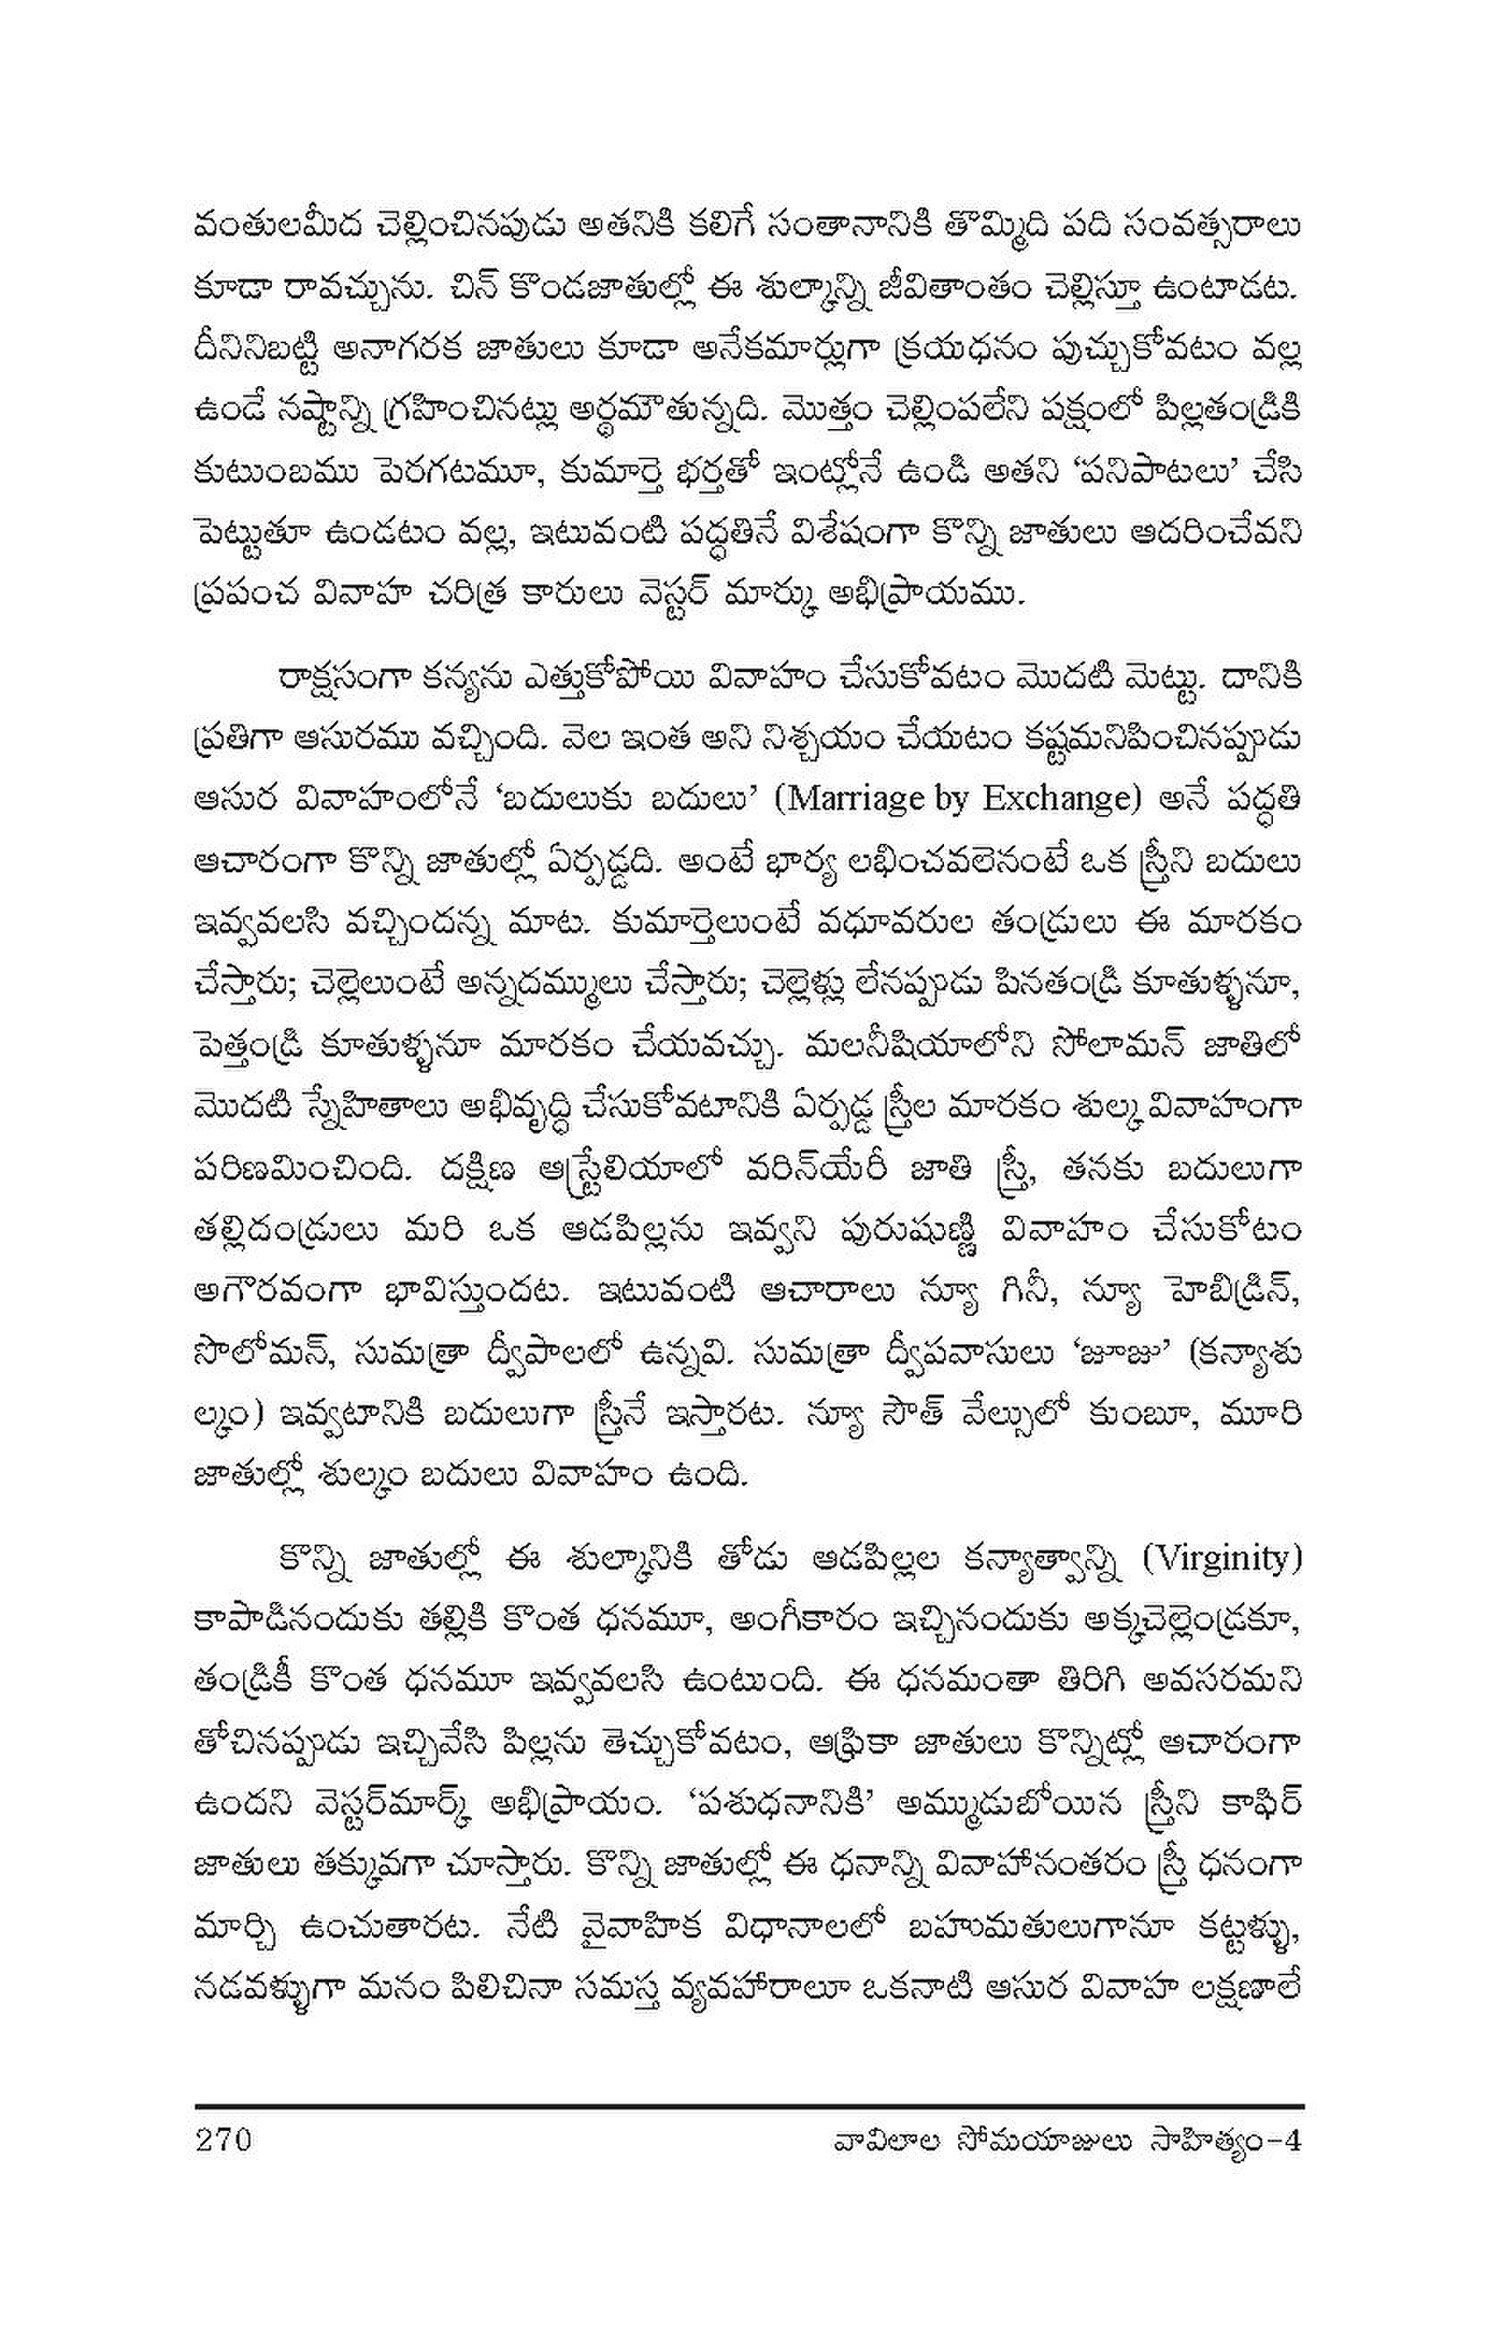వంతులమీద చెల్లించినపుడు అతనికి కలిగే సంతానానికి తొమ్మిది పది సంవత్సరాలు
కూడా రావచ్చును. చిన్ కొండజాతుల్లో ఈ శుల్కాన్ని జీవితాంతం చెల్లిస్తూ ఉంటాడట.
దీనినిబట్టి అనాగరక జాతులు కూడా అనేకమార్లుగా క్రయధనం పుచ్చుకోవటం వల్ల
ఉండే నష్టాన్ని గ్రహించినట్లు అర్థమౌతున్నది. మొత్తం చెల్లింపలేని పక్షంలో పిల్లతండ్రికి
కుటుంబము పెరగటమూ, కుమార్తె భర్తతో ఇంట్లోనే ఉండి అతని 'పనిపాటలు' చేసి
పెట్టుతూ ఉండటం వల్ల, ఇటువంటి పద్ధతినే విశేషంగా కొన్ని జాతులు ఆదరించేవని
ప్రపంచ వివాహ చరిత్ర కారులు వెస్టర్ మార్కు అభిప్రాయము.

రాక్షసంగా కన్యను ఎత్తుకోపోయి వివాహం చేసుకోవటం మొదటి మెట్టు. దానికి
ప్రతిగా ఆసురము వచ్చింది. వెల ఇంత అని నిశ్చయం చేయటం కష్టమనిపించినప్పుడు
ఆసుర వివాహంలోనే 'బదులుకు బదులు' (Marriage by Exchange) అనే పద్ధతి
ఆచారంగా కొన్ని జాతుల్లో ఏర్పడ్డది. అంటే భార్య లభించవలెనంటే ఒక స్త్రీని బదులు
ఇవ్వవలసి వచ్చిందన్న మాట. కుమార్తెలుంటే వధూవరుల తండ్రులు ఈ మారకం
చేస్తారు; చెల్లెలుంటే అన్నదమ్ములు చేస్తారు; చెల్లెళ్లు లేనప్పుడు పినతండ్రి కూతుళ్ళనూ,
పెత్తండ్రి కూతుళ్ళనూ మారకం చేయవచ్చు. మలనీషియాలోని సోలామన్ జాతిలో
మొదటి స్నేహితాలు అభివృద్ధి చేసుకోవటానికి ఏర్పడ్డ స్త్రీల మారకం శుల్క వివాహంగా
పరిణమించింది. దక్షిణ ఆస్ట్రేలియాలో వరినోరీ జాతి స్త్రీ, తనకు బదులుగా
తల్లిదండ్రులు మరి ఒక ఆడపిల్లను ఇవ్వని పురుషుణ్ణి వివాహం చేసుకోటం
అగౌరవంగా భావిస్తుందట. ఇటువంటి ఆచారాలు న్యూ గినీ, న్యూ హెబిడ్రిన్,
సొలోమన్, సుమత్రా ద్వీపాలలో ఉన్నవి. సుమత్రా ద్వీపవాసులు 'జూజు' (కన్యాశు
ల్కం) ఇవ్వటానికి బదులుగా స్త్రీనే ఇస్తారట. న్యూ సౌత్ వేల్సులో కుంబూ, మూరి
జాతుల్లో శుల్కం బదులు వివాహం ఉంది.

కొన్ని జాతుల్లో ఈ శుల్కానికి తోడు ఆడపిల్లల కన్యాత్వాన్ని (Virginity)
కాపాడినందుకు తల్లికి కొంత ధనమూ, అంగీకారం ఇచ్చినందుకు అక్కచెల్లెండ్రకూ,
తండ్రికీ కొంత ధనమూ ఇవ్వవలసి ఉంటుంది. ఈ ధనమంతా తిరిగి అవసరమని
తోచినప్పుడు ఇచ్చివేసి పిల్లను తెచ్చుకోవటం, ఆఫ్రికా జాతులు కొన్నిట్లో ఆచారంగా
ఉందని వెస్టర్మార్క్ అభిప్రాయం. 'పశుధనానికి' అమ్ముడుబోయిన స్త్రీని కాఫిర్
జాతులు తక్కువగా చూస్తారు. కొన్ని జాతుల్లో ఈ ధనాన్ని వివాహానంతరం స్త్రీ ధనంగా
మార్చి ఉంచుతారట. నేటి వైవాహిక విధానాలలో బహుమతులుగానూ కట్టళ్ళు,
నడవళ్ళుగా మనం పిలిచినా సమస్త వ్యవహారాలూ ఒకనాటి అసుర వివాహ లక్షణాలే